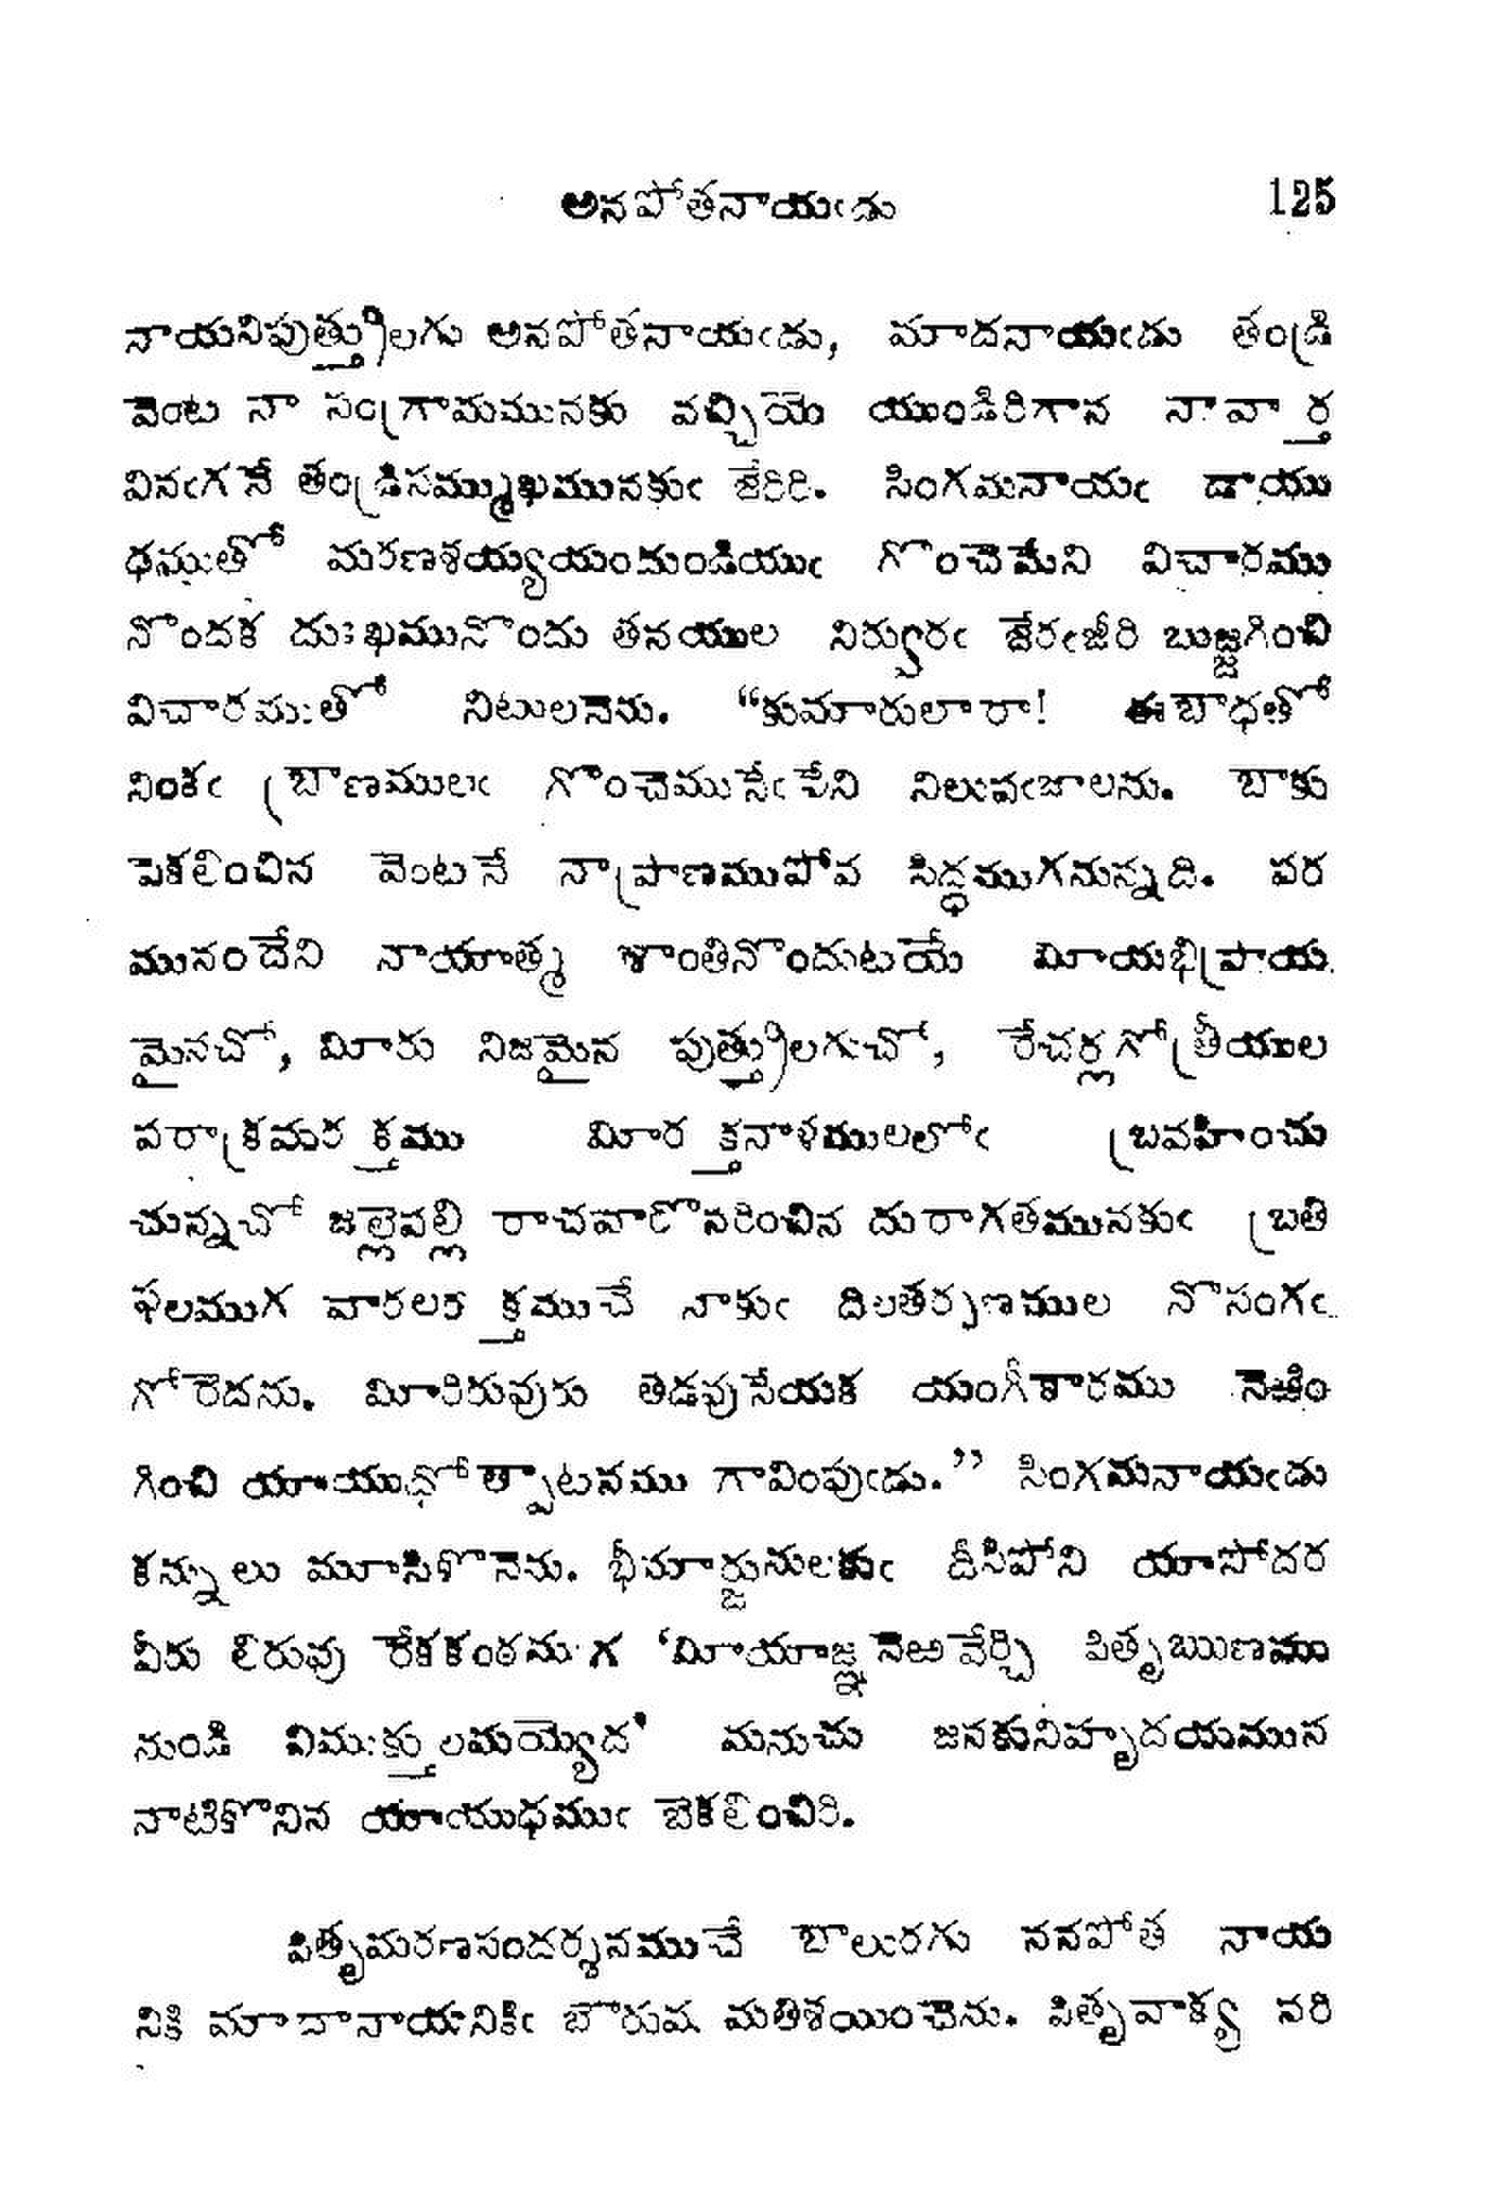నాయనిపుత్రులగు అనపోతనాయడు, మాదనాయడు తండ్రి వెంట నా సంగ్రామమునకు వచ్చియె యుండిరిగాన నావార్త వినగనే తండ్రిసమ్ముఖమునకు జేరిరి. సింగమనాయ డాయుదముతో మరణశయ్యయందుండియు గొంచెమేని విచారము నొందక దు:ఖమునొందు తనయుల నిర్వుర జేరజీరి బుజ్జగించి విచారముతో నిటులనెను. "కుమారులారా! ఈబాధతో నింక బ్రాణముల గొంచెముసేపేని నిలుపజాలను. బాకు పెకలించిన వెంటనే నాప్రాణముపోవ సిద్ధముగనున్నది. పరమునందేని నాయాత్మ శాంతినొందుటయే మీయభిప్రాయమైనచో, మీరు నిజమైన పుత్రులగుచో, రేచర్లగోత్రీయుల పరాక్రమరక్తము మీరక్తనాళములలో బ్రవహించు చున్నచో జల్లెపల్లి రాచవారొనరించిన దురాగతమునకు బ్రతిఫలముగ వారలరక్తముచే నాకు దిలతర్పణముల నొసంగ గోరెదను. మీరిరువురు తడవుసేయక యంగీకారము నెఱింగించి యాయుధోత్పాటనము గావింపుడు." సింగమనాయడు కన్నులు మూసికొనెను. భీమార్జునులకు దీసిపోని యాసోదర వీరు లిరువు రేకకంఠముగ 'మీయాజ్ఞనెఱవేర్చి పితృఋణము నుండి విముక్తలమయ్యెద' మనుచు జనకునిహృదయమున నాటికొనిన యాయుధము బెకలించిరి.

పితృమరణసందర్శనముచే బాలురగు ననపోత నాయనికి మాదానాయనికి బౌరుష మతిశయించెను. పితృవాక్య పరి